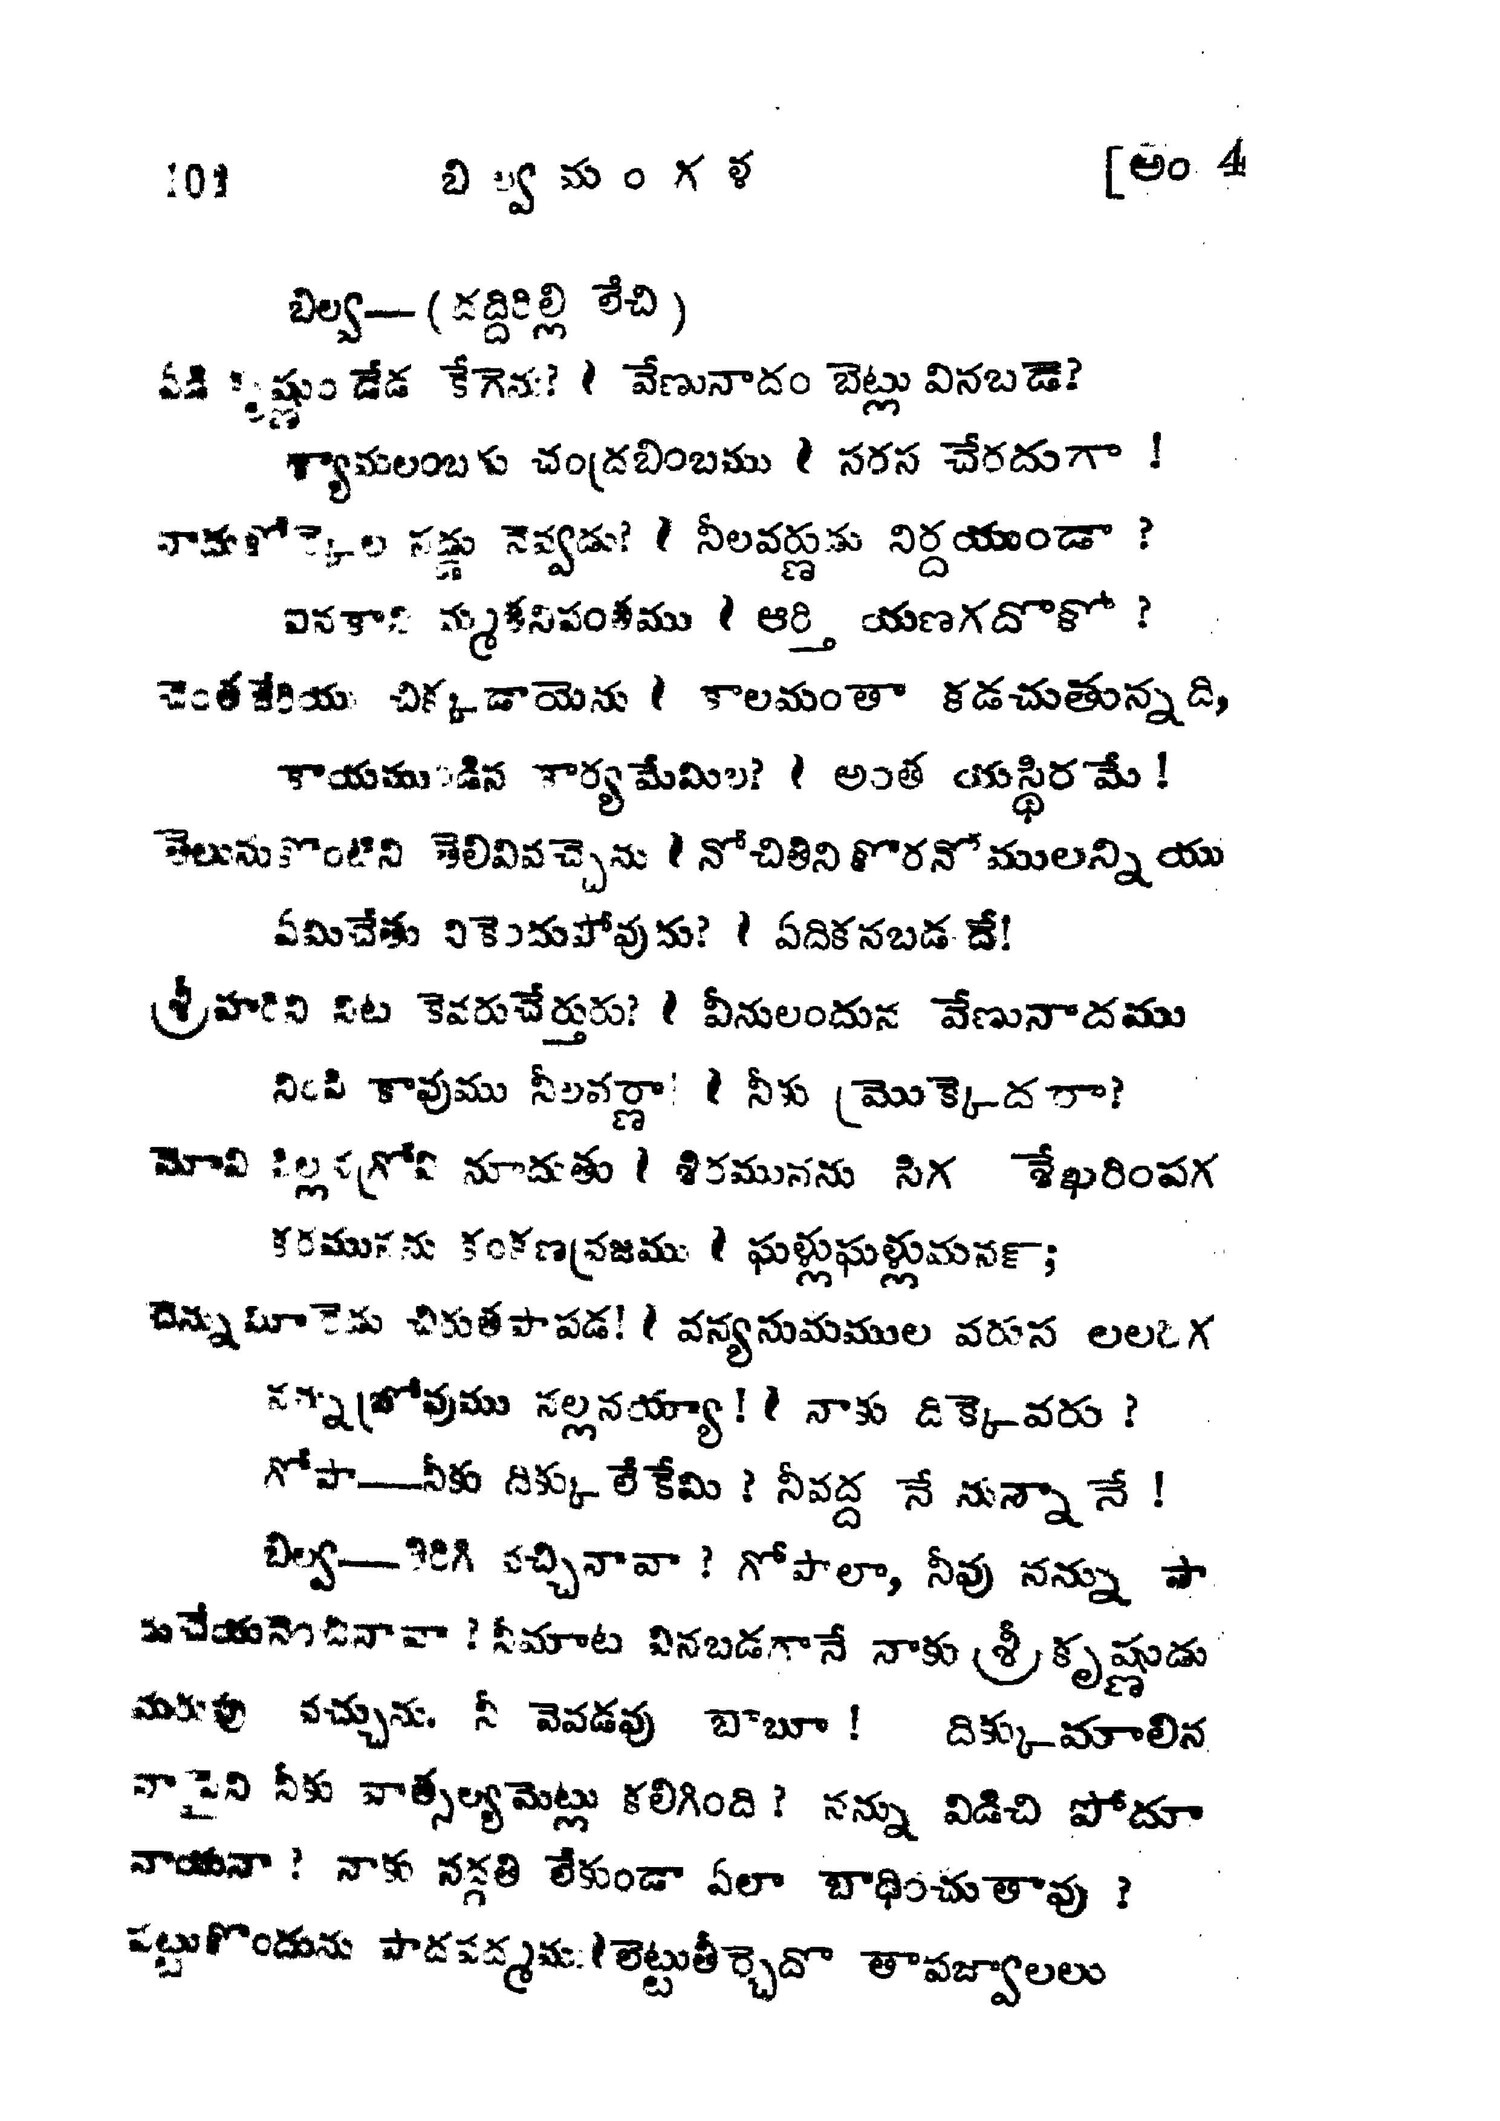బిల్వ - (దద్దిరిల్లి లేచి)

 ఏడి కృష్ణుండేడ కేగెను? ♦ వేణునాదం బెట్లు వినబడె?
 శ్యామలంబగు చంద్రబింబము ♦ సరస చేరదుగా !
 నాదు కోర్కెల నడ్డు నెవ్వడు? ♦ నీలవర్ణుడు మిర్దయుండా ?
 ఐనకాని మ్మతనిపంతము ♦ ఆర్తి యణగదొకో ?
 చెంతజేరియు చిక్కడాయెను ♦ కాలమంతా కడచుతున్నది,
 కాయముండిన కార్యమేమిల? ♦ అంత యస్థిరమే !
 తెలుసుకొంటిని తెలివివచ్చెను ♦ నోచితిని కొరనోములన్నియు
 ఏమిచేతు నికెందుపోవుదు? ♦ ఏదికనబడ దే!
 శ్రీహరిని నిట కెవరుచేర్తురు? ♦ వీనులందున వేణునాదము
 నింపి కావుము నీలవర్ణా ♦ నీకు మ్రొక్కెదరా?
 మోవి పిల్లనగ్రోవి నూదుతు ♦ శిరమునను సిగ శేఖరింపగ
 కరమునను కంకణవ్రజము ♦ ఘళ్లుఘళ్లుమనన్;
 చెన్నుమీరెడు చిరుతపాపడ! ♦ వన్యసుమముల వరుస లలరగ
 నన్నుబ్రోవుము నల్లనయ్యా ! ♦ నాకు దిక్కెవరు ?

గోపా - నీకు దిక్కు లేకేమి? నీవద్ద నే నున్నానే!

బిల్వ - తిరిగి వచ్చినావా ? గోపాలా, నీవు నన్ను పాడుచేయనెంచినావా ? నీమాట వినబడగానే నాకు శ్రీ కృష్ణుడు మరుపు వచ్చును. నీ వెవడవు బాబూ ! దిక్కుమాలిన నాపైని నీకు వాత్సల్యమెట్లు కలిగింది? నన్ను విడిచి పోదూ నాయనా ? నాకు సద్గతి లేకుండా ఏలా బాధించుతావు? 

పట్టుకొందును పాదపద్మము ♦ లెట్టుతీర్చెదొ తాపజ్వాలలు